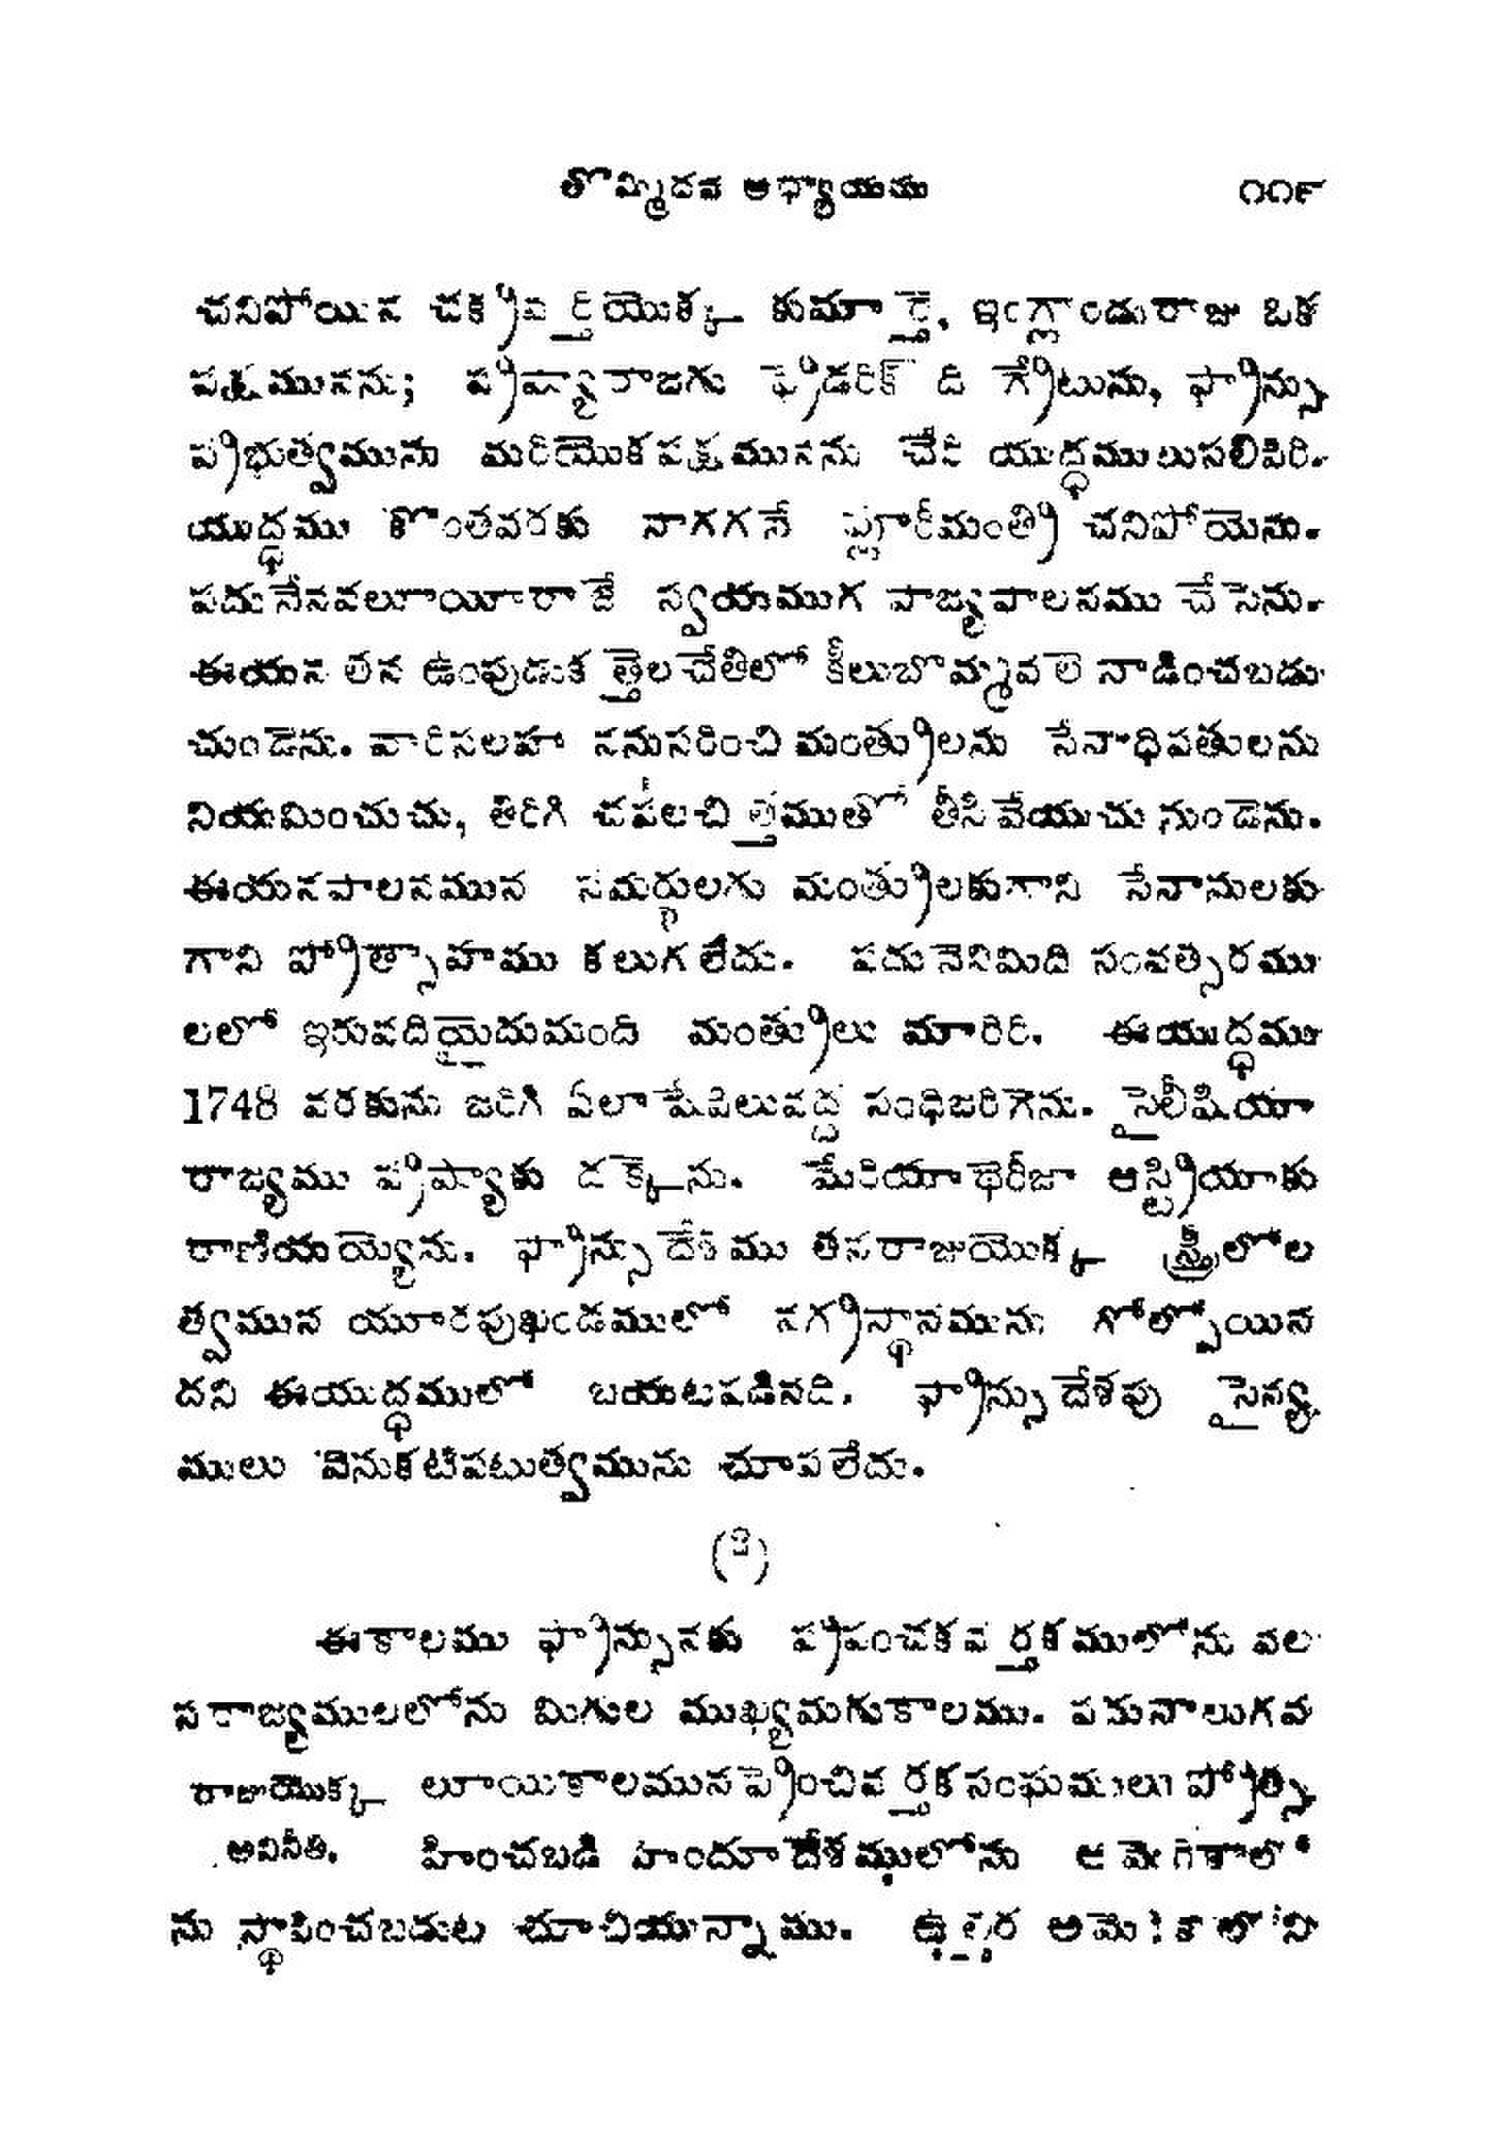చనిపోయిన చక్రవర్తి యొక్క కుమార్తె, ఇంగ్లాండు రాజు ఒక
పక్షమునను; ప్రర్ష్యారాజగు ఫెడరిక్ డి గ్రేటును, ఫ్రాన్సు
ప్రభుత్వమును మరియొక పక్షమునేను చేరి యుద్ధములు సలిపిరి.
యుద్ధము కొంతవరకు సాగగ నే ప్లూరీ మంత్రి చనిపోయెను.
పదు నేసవలూయీ రాజే స్వయముగ పాజ్య పాలనము చేసెను.
ఈయన తన ఉంపుడుకత్తెల చేతిలో కీలుబొమ్మవలె నాడించబడు
చుండెను. వారి సలహా ననుసరించి మంత్రులను సేనాధిపతులను
నియమించుచు, తిరిగి చపలచిత్తముతో తీసి వేయుచు నుండెను.
ఈయన పాలసమున సమర్థులను మంత్రులకు గాని సేనానులకు
గాని ప్రోత్సాహము కలుగ లేదు. పదునెనిమిది సంవత్సరము
ఇరువదియైదు మంది. మంత్రులు మారిరి. ఈ యుద్ధము
1748 వరకును జరిగి ఏలా షేపిలువద్ద సంధిజరిగెను. సైలీషియా
రాజ్యము ప్రష్యాకు దక్కెను. మేరియా థెరీజా ఆస్ట్రియాకు
రాణియయ్యెను. ఫ్రాన్సు దేశము తన రాజుయొక్క స్త్రీలోల
త్వమున యూరపుఖఁడములో నగ్రస్థానమును, గోల్పోయిన
దని ఈ యుద్ధములో బయటపడినది. ఫ్రాస్సు దేశపు సైన్య.
ములు వెనుకటి పటుత్వమును చూప లేదు.

రాజు యొక్క 
అవినీతి,
ఈకాలము ఫొస్సునకు ప్రపంచక పర్తకములోను వల
సరాజ్యముల లోను మిగుల ముఖ్యమగు కాలము. పదునాలుగవ
లూయి కాలమున ఫ్రెంచి వర్తక సంఘములు పోత్స
హించబడి హిందూదేశములోను అమెరికాలోను
స్థాపించబడుట చూచి యు న్నాము. ఉత్తర అమెరికా లోని